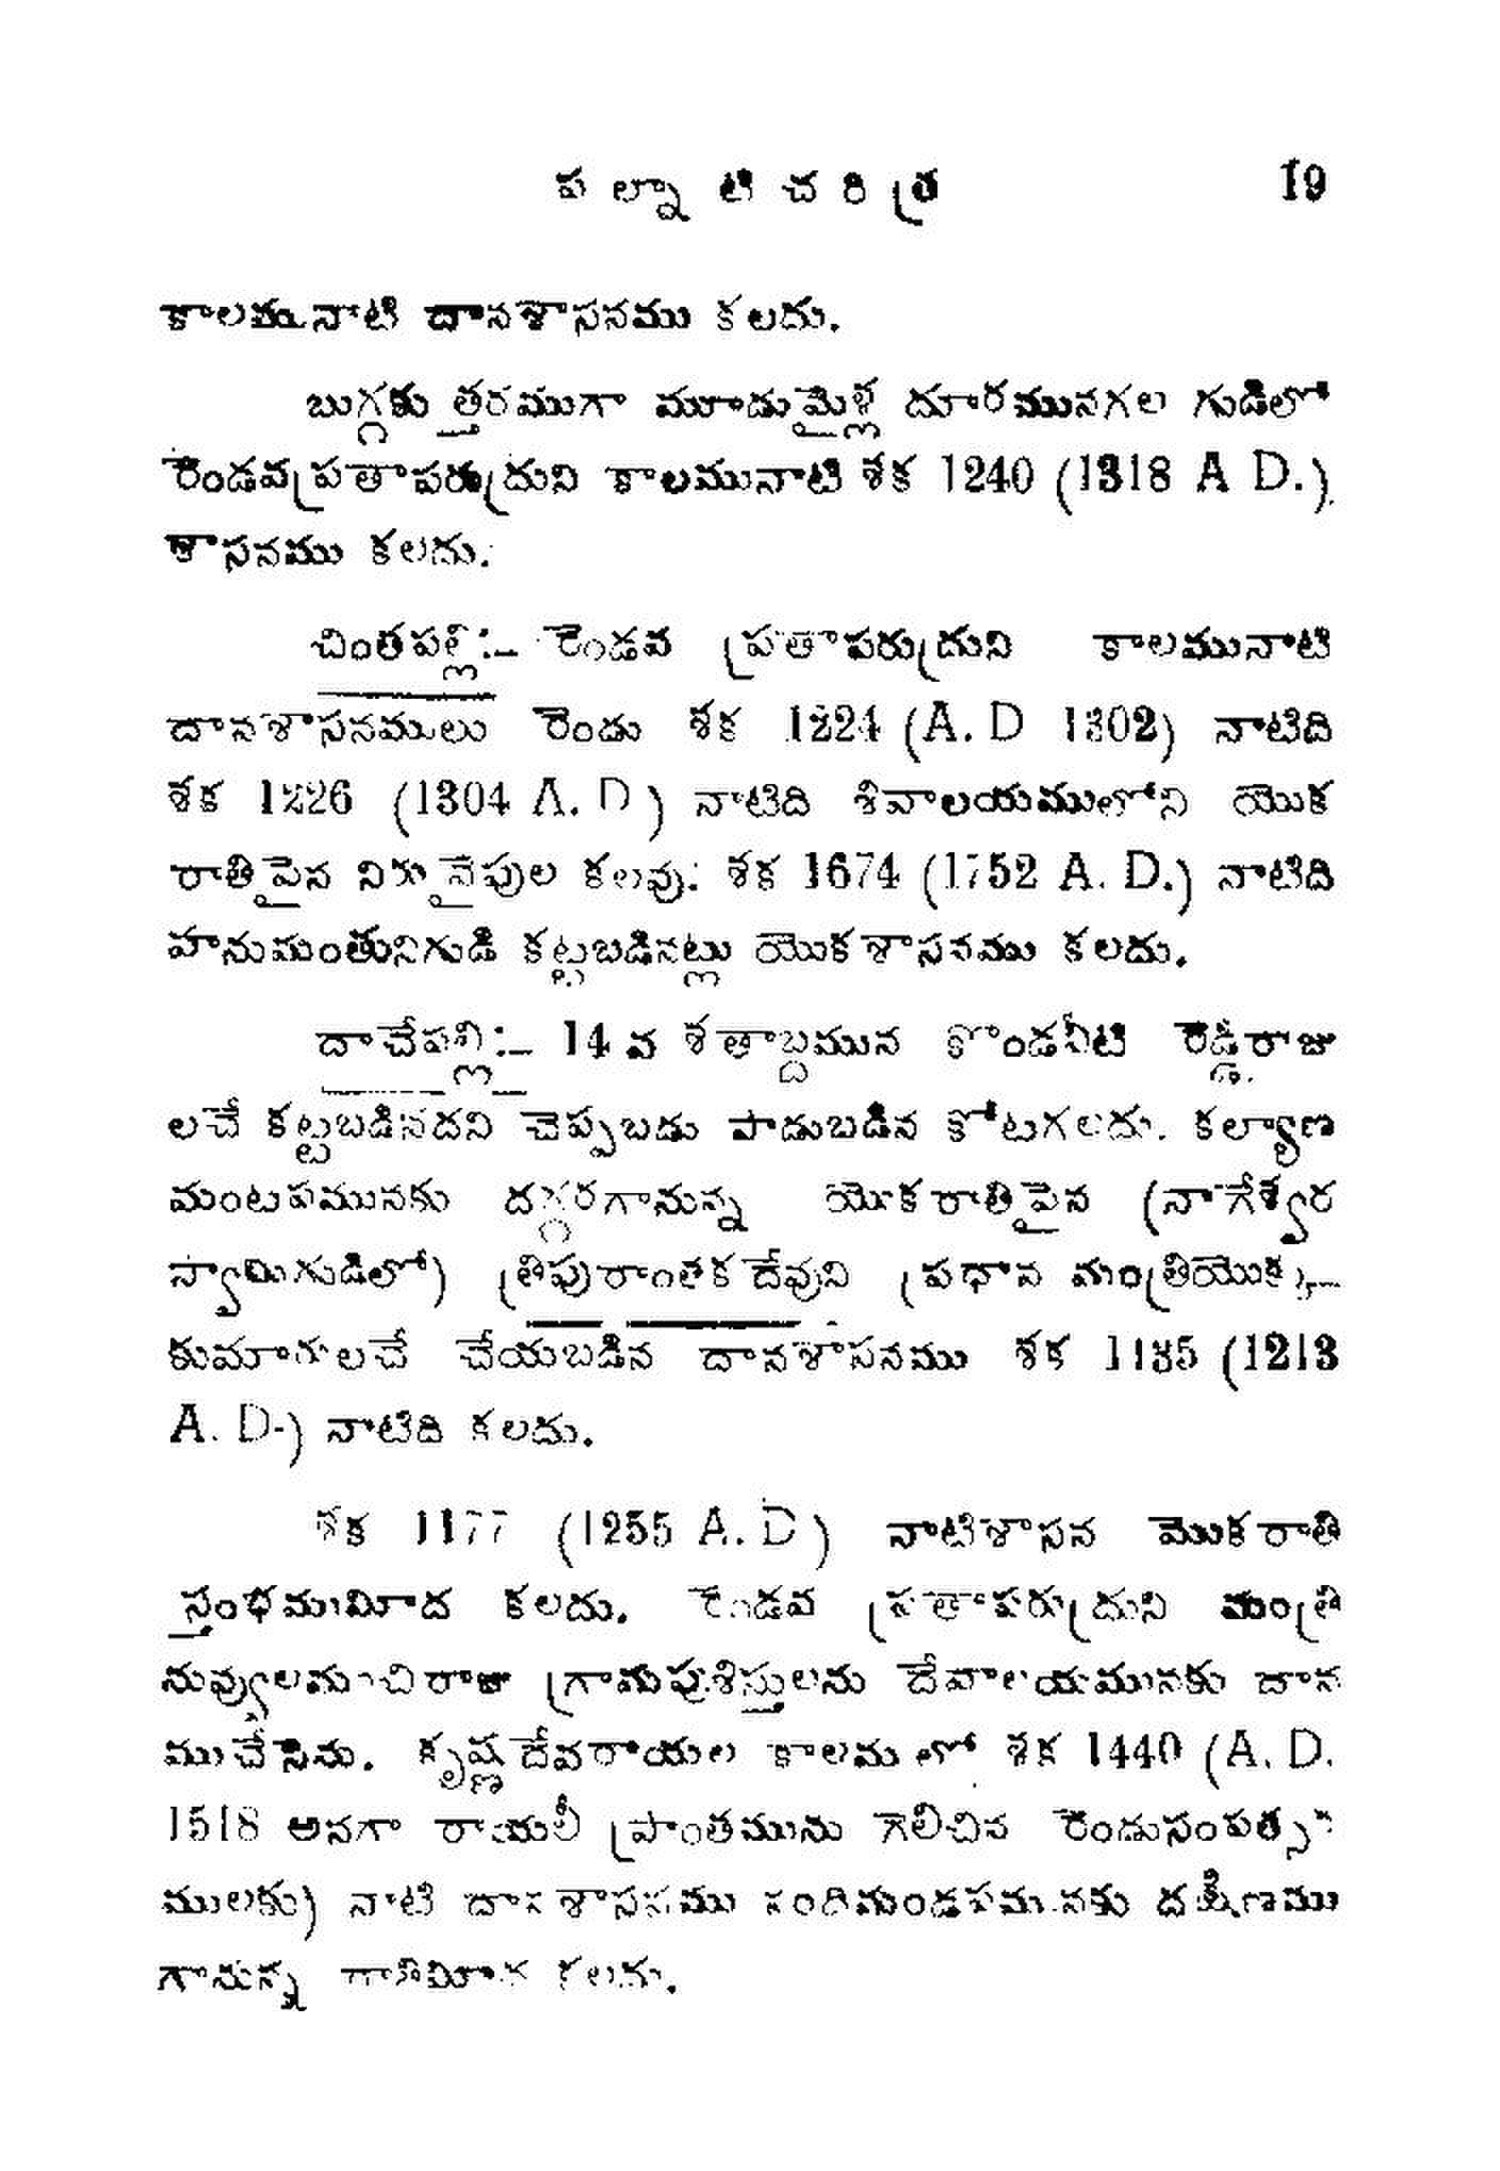కాలమునాటి దాసశాసనము కలదు.

బుగ్గకుత్తరముగా మూడు మైళ్ల దూరమునగల గుడిలో
రెండవప్రతాపరుద్రుని కాలమునాటి శక 1240 (1318 A D.).
శాసనము కలదు.

చింతపల్లి:- రెండవ ప్రతాపరుద్రుని కాలమునాటి
దానశాసనములు రెండు శక 1224 (A.D 1302) నాటిది
శక 1226 (1304 A.D) నాటిది శివాలయములోని యొక
రాతిపైన నిరువైపుల కలవు. శక 1674 (1752 A. D.) నాటిది
హనుమంతునిగుడి కట్టబడినట్లు యొక శాసనము కలదు.

దాచేపల్లి : 14 వ శతాబ్దమున కొండవీటి రెడ్డిరాజు
లచే కట్టబడినదని చెప్పబడు పాడుబడిన కోటగలదు. కల్యాణ
మంటపమునకు దగ్గరగానున్న యొక రాతిపైన (నాగేశ్వరస్వామిగుడిలో) 
త్రిపురాంతక దేవుని ప్రధాన మంత్రియొక్క కుమారులచే 
చేయబడిన దానశాసనము శక 1135 (1213A.D.) నాటిది కలదు.

శక 1177 (1255 A.D) నాటిశాసన మొక రాతి స్తంభముమీద కలదు. 
రెండవ ప్రతాపరుద్రుని మంత్రి నువ్వులమంచిరాజు గ్రామపుశిస్తులను 
దేవాలయమునకు దానము చేసెను. కృష్ణ దేవరాయల కాలములో 
శక 1440 (A. D.1518 ) (అనగా రాయలీ ప్రాంతమును గెలిచిన 
రెండు సంవత్సరములకు) నాటి దానశాసనము నందిమండపమునకు 
దక్షిణముగానున్న రాతిమీద కలదు.